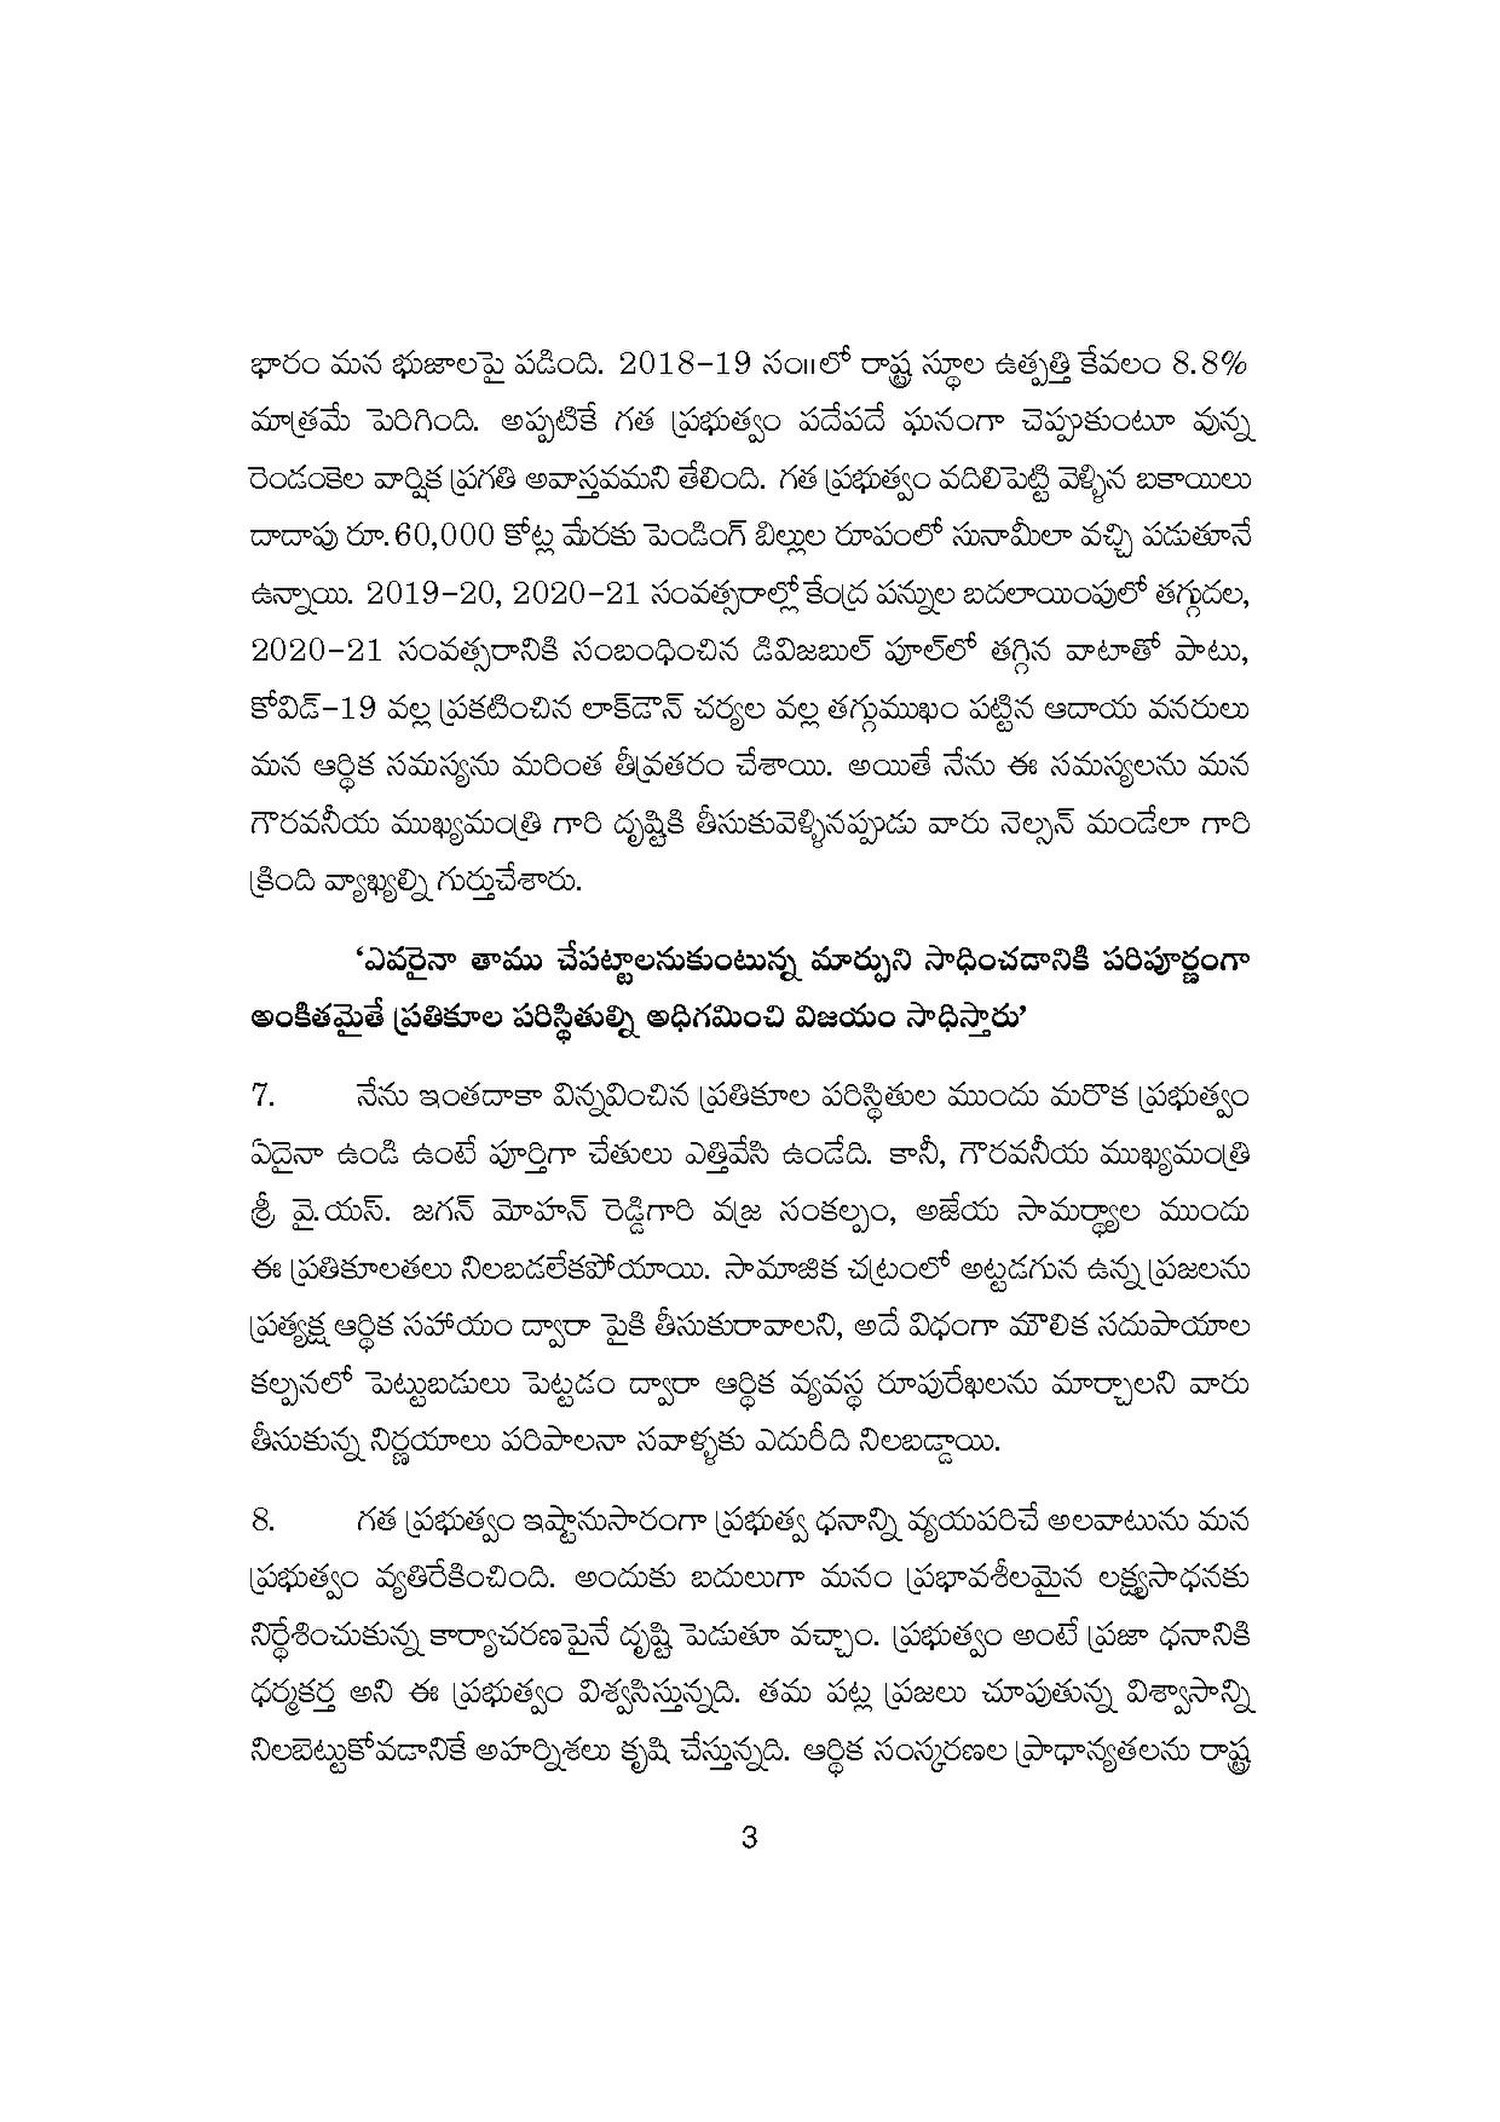భారం మన భుజాలపై పడింది. 2018-19 సం॥లో రాష్ట్ర స్థూల ఉత్పత్తి కేవలం 8.8% మాత్రమే పెరిగింది. అప్పటికే గత ప్రభుత్వం పదేపదే ఘనంగా చెప్పుకుంటూ వున్న రెండంకెల వార్షిక ప్రగతి అవాస్తవమని తేలింది. గత ప్రభుత్వం వదిలిపెట్టి వెళ్ళిన బకాయిలు దాదాపు రూ. 60,000 కోట్ల మేరకు పెండింగ్ బిల్లుల రూపంలో సునామీలా వచ్చి పడుతూనే ఉన్నాయి. 2019-20, 2020-21 సంవత్సరాల్లో కేంద్ర పన్నుల బదలాయింపులో తగ్గుదల, 2020-21 సంవత్సరానికి సంబంధించిన డివిజబుల్ పూల్ లో తగ్గిన వాటాతో పాటు, కోవిడ్-19 వల్ల ప్రకటించిన లాక్ డౌన్ చర్యల వల్ల తగ్గుముఖం పట్టిన ఆదాయ వనరులు
మన ఆర్థిక సమస్యను మరింత తీవ్రతరం చేశాయి. అయితే నేను ఈ సమస్యలను మన గౌరవనీయ ముఖ్యమంత్రి గారి దృష్టికి తీసుకువెళ్ళినప్పుడు వారు నెల్సన్ మండేలా గారి క్రింది వ్యాఖ్యల్ని గుర్తుచేశారు.

'ఎవరైనా తాము చేపట్టాలనుకుంటున్న మార్పుని సాధించడానికి పరిపూర్ణంగా అంకితమైతే ప్రతికూల పరిస్థితుల్ని అధిగమించి విజయం సాధిస్తారు' 

7. నేను ఇంతదాకా విన్నవించిన ప్రతికూల పరిస్థితుల ముందు మరొక ప్రభుత్వం ఏదైనా ఉండి ఉంటే పూర్తిగా చేతులు ఎత్తివేసి ఉండేది. కానీ, గౌరవనీయ ముఖ్యమంత్రి శ్రీ వై.యస్. జగన్ మోహన్ రెడ్డిగారి వజ్ర సంకల్పం, అజేయ సామర్థ్యాల ముందు ఈ ప్రతికూలతలు నిలబడలేకపోయాయి. సామాజిక చట్రంలో అట్టడగున ఉన్న ప్రజలను ప్రత్యక్ష ఆర్థిక సహాయం ద్వారా పైకి తీసుకురావాలని, అదే విధంగా మౌలిక సదుపాయాల కల్పనలో పెట్టుబడులు పెట్టడం ద్వారా ఆర్థిక వ్యవస్థ రూపురేఖలను మార్చాలని వారు తీసుకున్న నిర్ణయాలు పరిపాలనా సవాళ్ళకు ఎదురీది నిలబడ్డాయి. 

8. గత ప్రభుత్వం ఇష్టానుసారంగా ప్రభుత్వ ధనాన్ని వ్యయపరిచే అలవాటును మన ప్రభుత్వం వ్యతిరేకించింది. అందుకు బదులుగా మనం ప్రభావశీలమైన లక్ష్యసాధనకు నిర్దేశించుకున్న కార్యాచరణ పైనే దృష్టి పెడుతూ వచ్చాం. ప్రభుత్వం అంటే ప్రజా ధనానికి ధర్మకర్త అని ఈ ప్రభుత్వం విశ్వసిస్తున్నది. తమ పట్ల ప్రజలు చూపుతున్న విశ్వాసాన్ని నిలబెట్టుకోవడానికే అహర్నిశలు కృషి చేస్తున్నది. ఆర్థిక సంస్కరణల ప్రాధాన్యతలను రాష్ట్ర